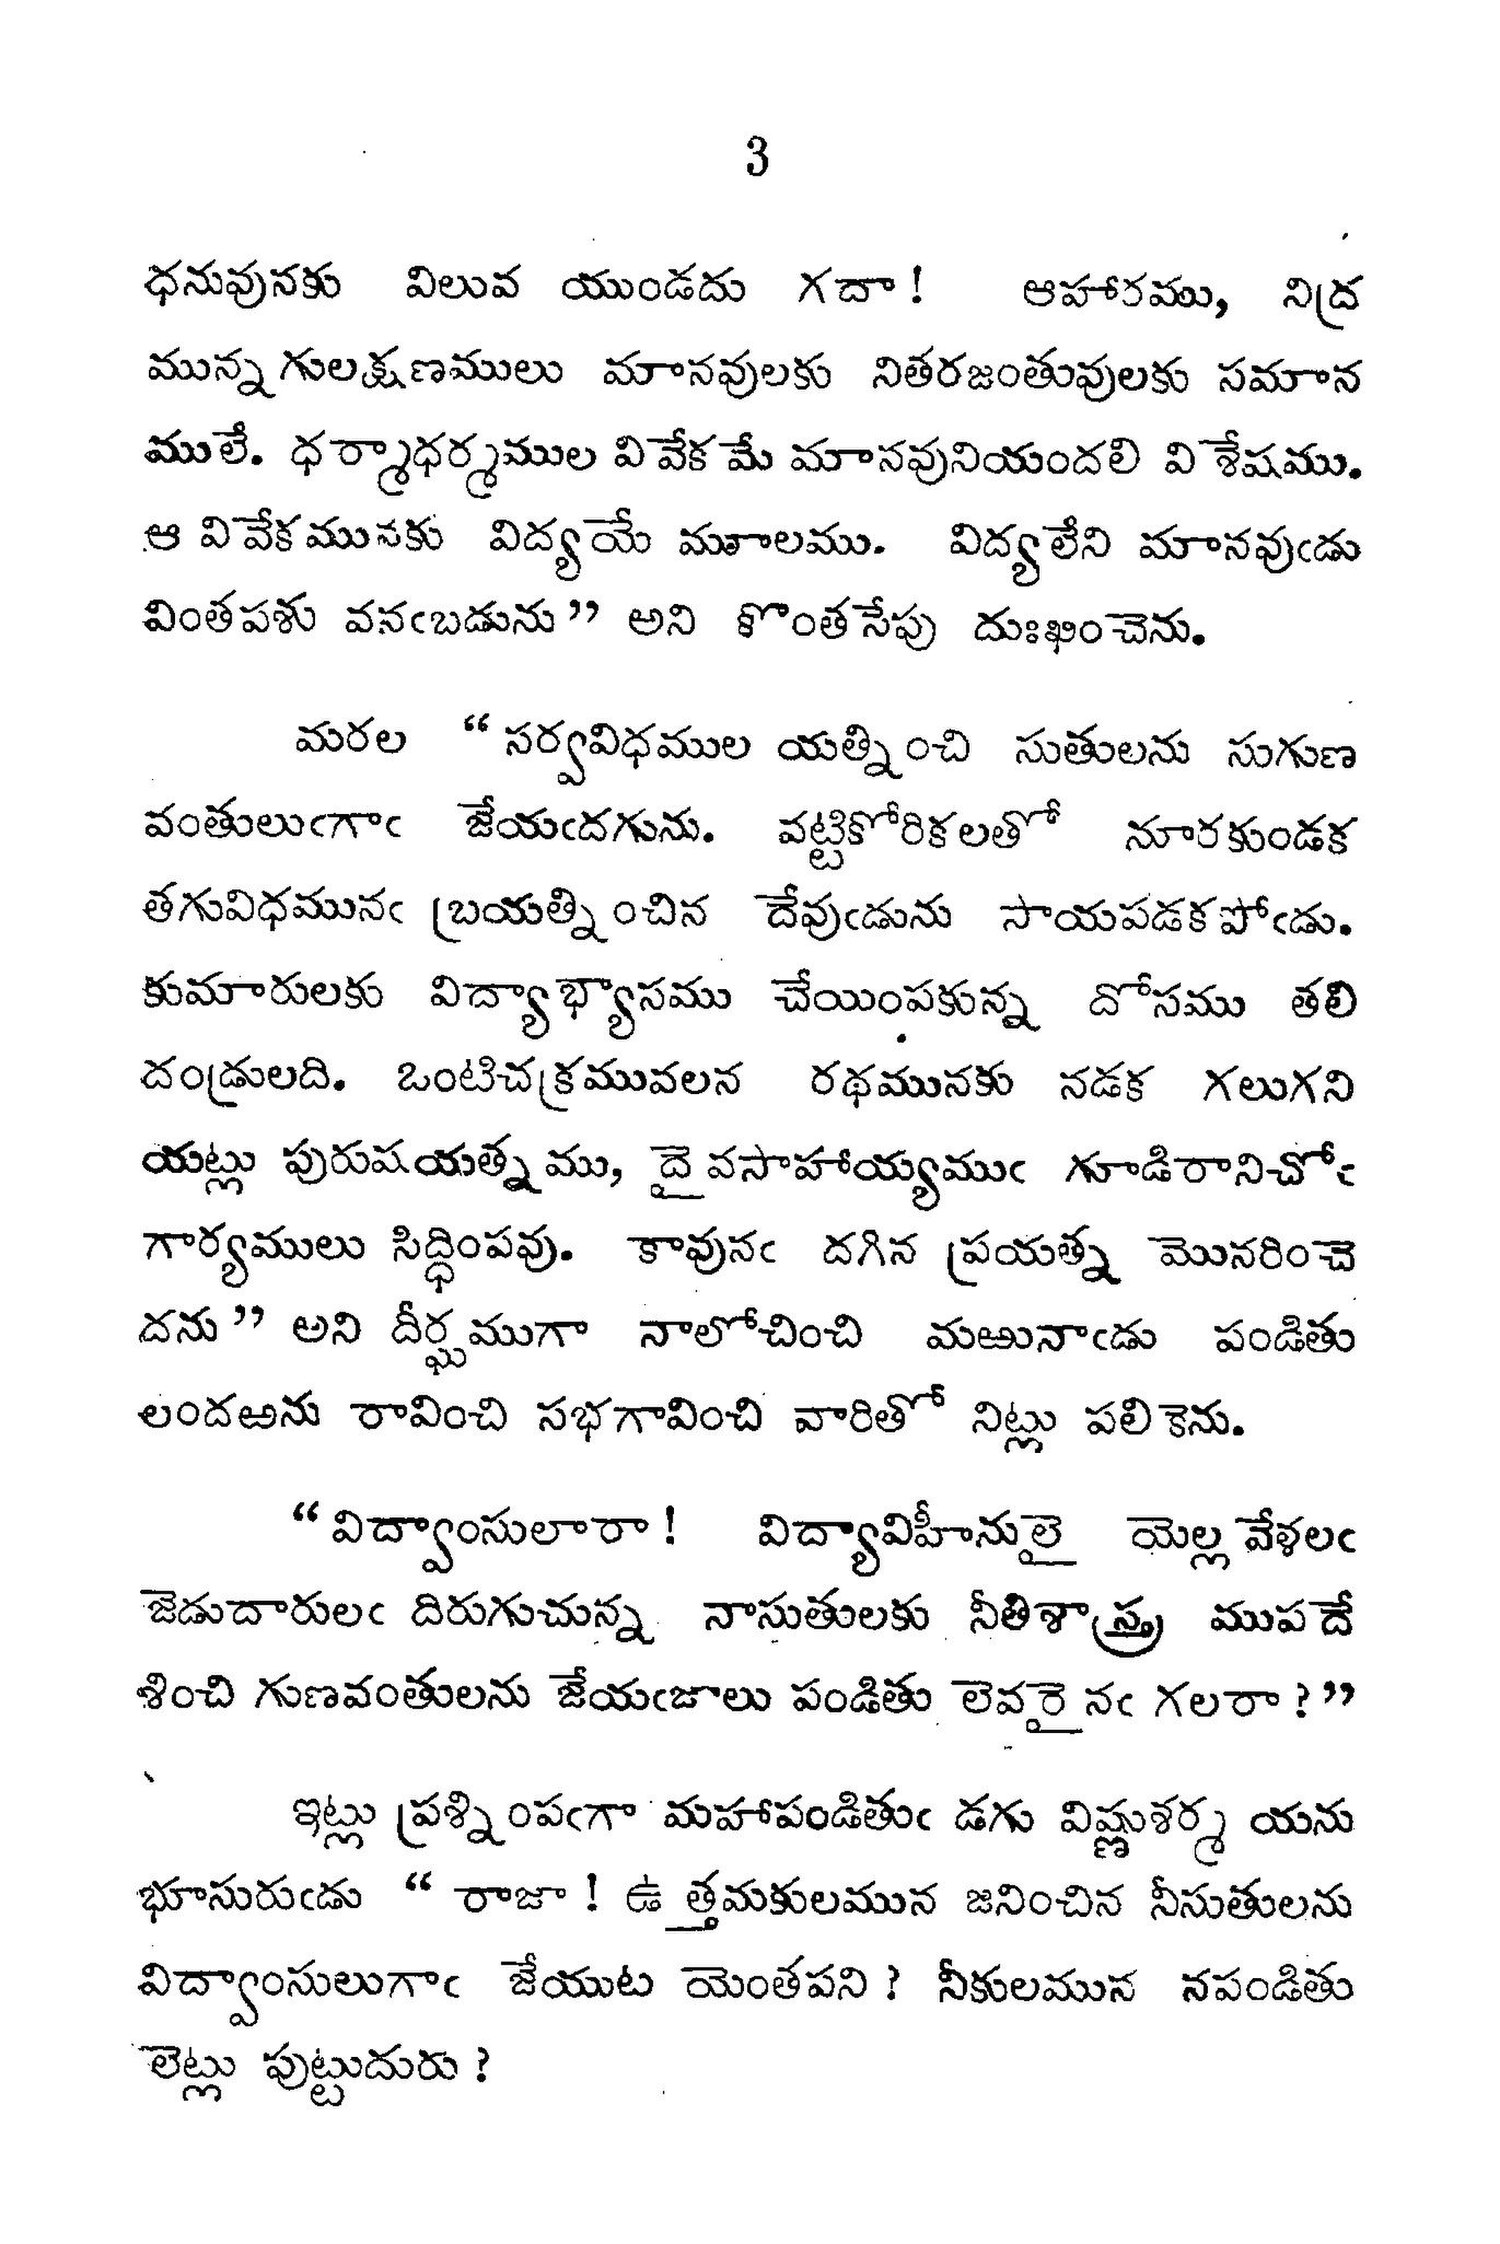ధనువునకు విలువ యుండదు గదా! ఆహారము, నిద్ర మున్నగులక్షణములు మానవులకు నితరజంతువులకు సమానములే. ధర్మాధర్మముల వివేకమే మానవునియందలి విశేషము. ఆ వివేకమునకు విద్యయే మూలము. విద్యలేని మానవుడు వింతపశు వన బడును" అని కొంతసేపు దు:ఖించెను.

మరల "సర్వవిధముల యత్నించి సుతులను సుగుణ వంతులుగా జేయదగును. వట్టికోరికలతో నూరకుండక తగువిధమున బ్రయత్నించిన దేవుడును సాయపడకపోడు. కుమారులకు విద్యాభ్యాసము చేయింపకున్న దోసము తలి దండ్రులది. ఒంటిచక్రమువలన రథమునకు నడక గలుగని యట్లు పురుష యత్నము, దైవసాహాయ్యము గూడిరానిచో గార్యములు సిద్ధింపవు. కావున దగిన ప్రయత్న మొనరించెదను" అని దీర్ఘముగా నాలోచించి మఱునాడు పండితు లందఱను రావించి సభగావించి వారితో నిట్లు పలికెను.

"విద్వాంసులారా! విద్యాహీనులై యెల్ల వేళల జెడుదారుల దిరుగుచున్న నాసుతులకు నీతిశాస్త్ర ముపదేశించి గుణవంతులను జేయజాలు పండితులెవరైన గలరా?"

ఇట్లు ప్రశ్నింపగా మహాపండితు డగు విష్ణుశర్మ యను భూసురుడు "రాజా! ఉత్తమకులమున జనించిన నీసుతులను విద్వాంసులుగా జేయుట యెంతపని? నీకులమున నపండితు లెట్లు పుట్టుదురు?